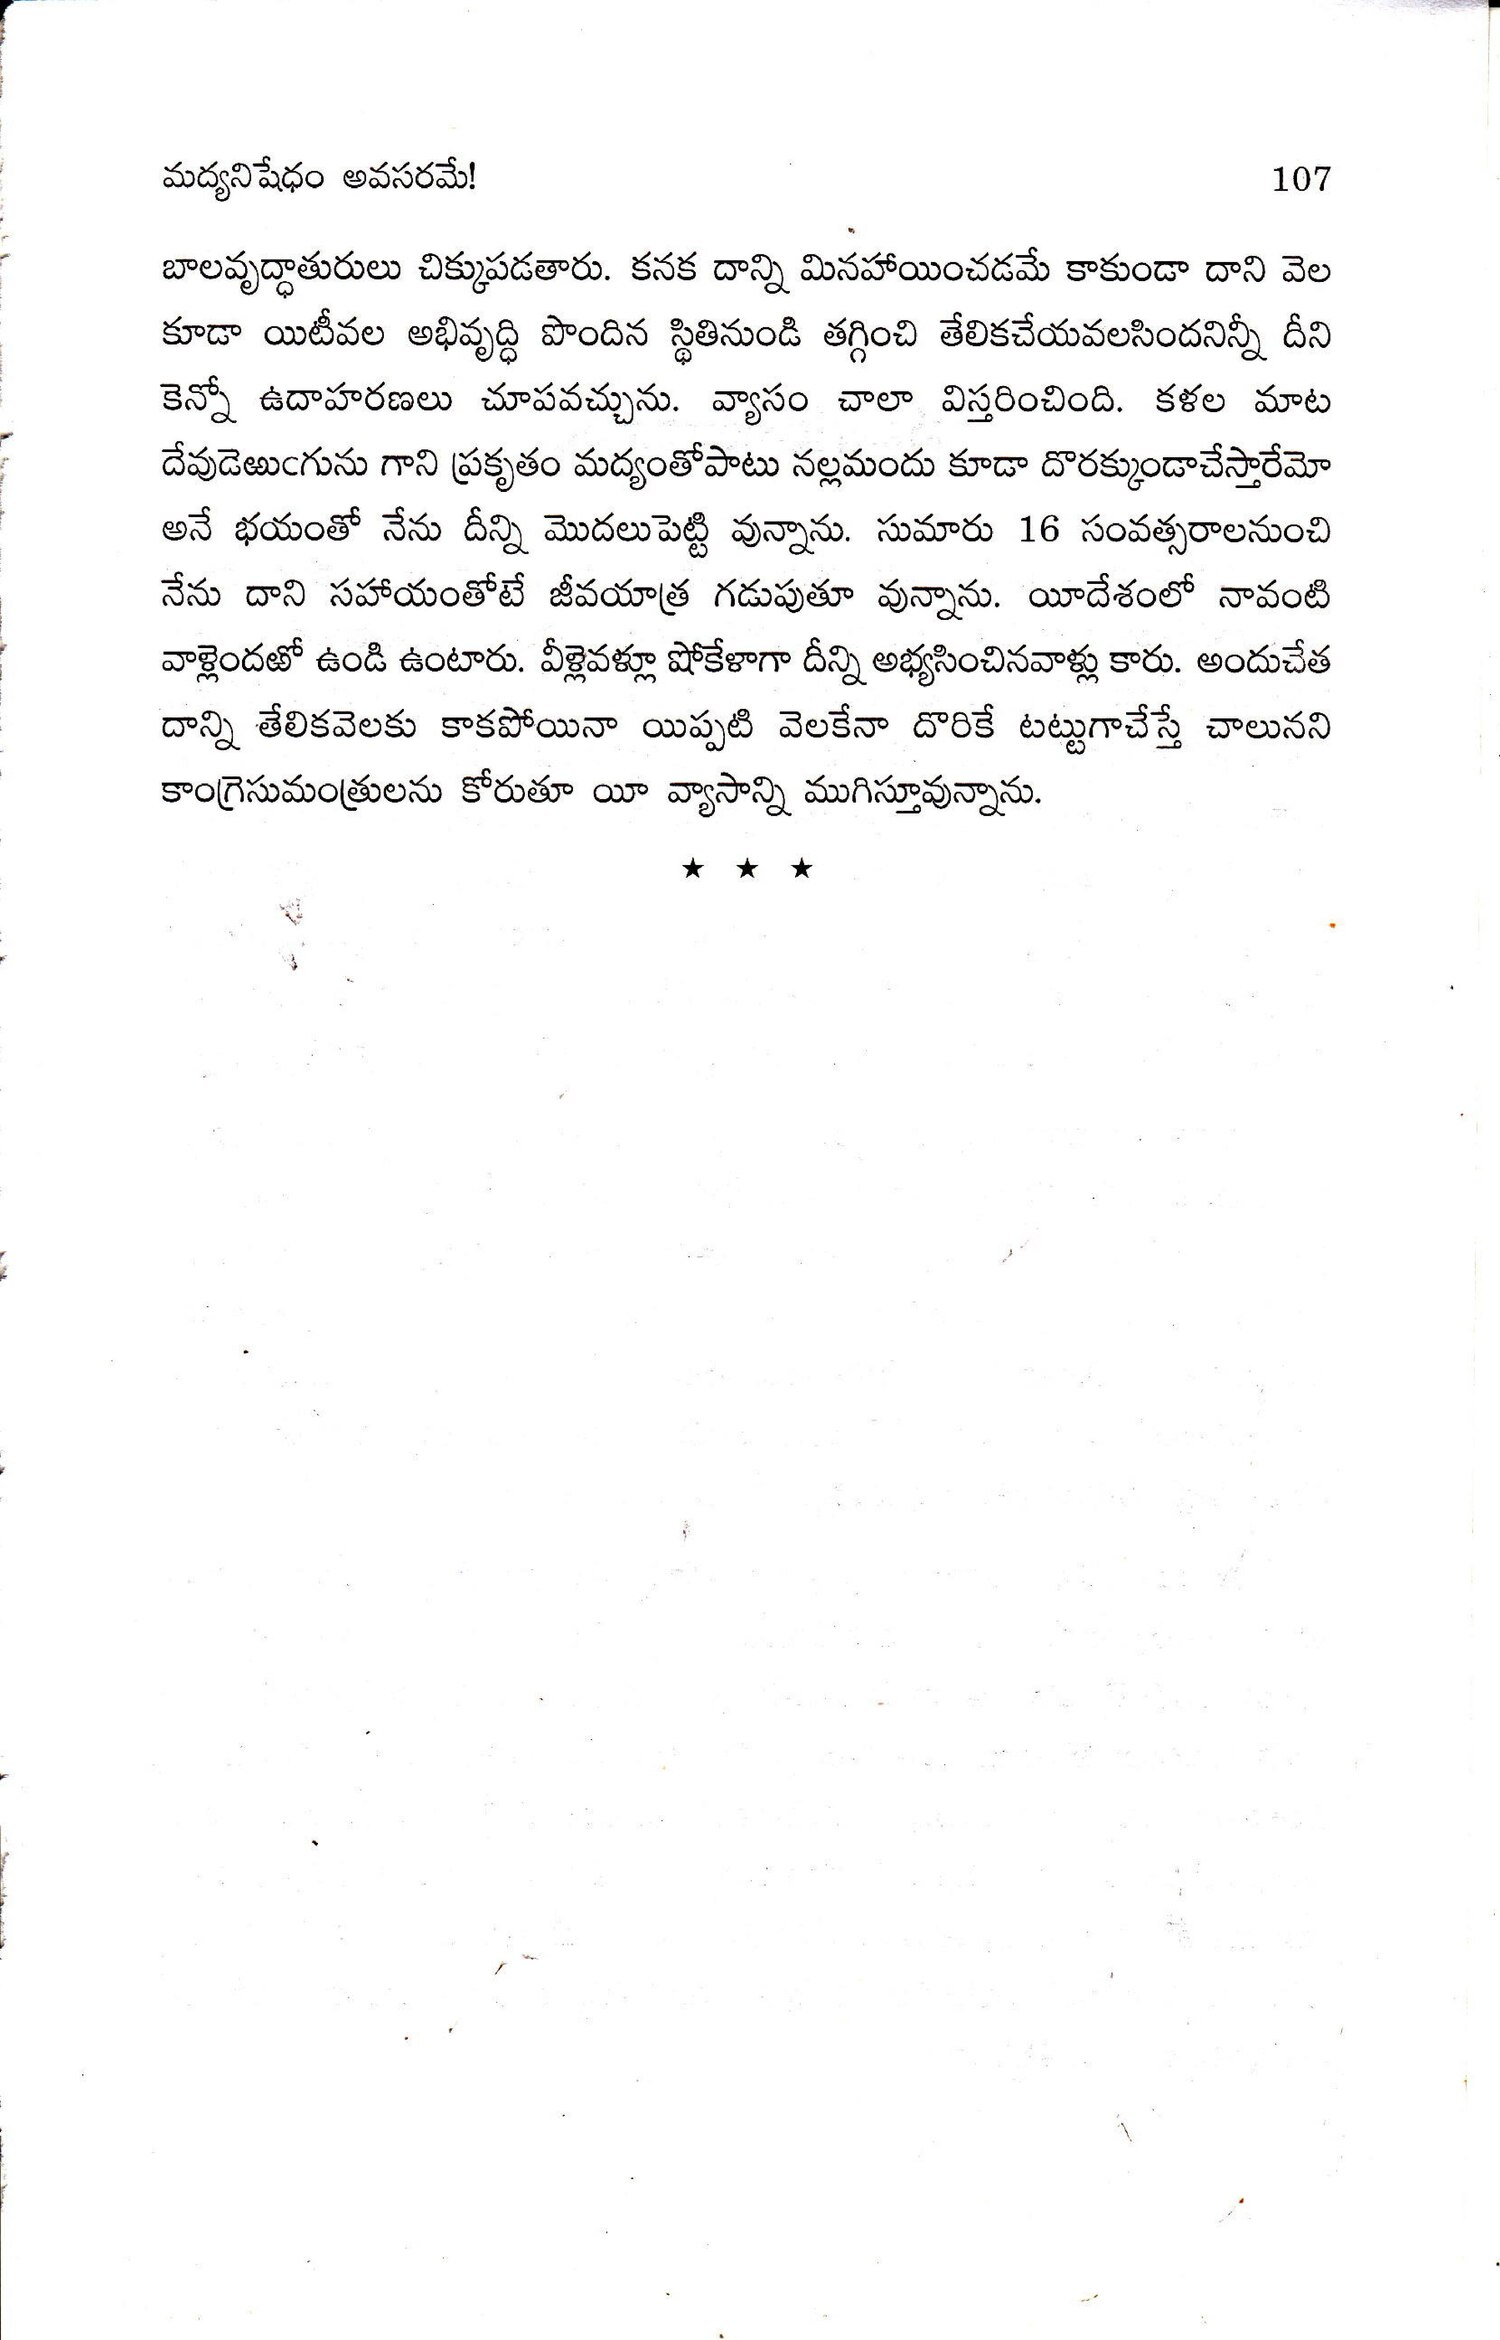బాలవృద్ధాతురులు చిక్కుపడతారు. కనక దాన్ని మినహాయించడమే కాకుండా దాని వెల కూడా యిటీవల అభివృద్ధి పొందిన స్థితినుండి తగ్గించి తేలికచేయవలసిందనిన్నీ దీని కెన్నో ఉదాహరణలు చూపవచ్చును. వ్యాసం చాలా విస్తరించింది. కళల మాట దేవుడెఱుంగును గాని ప్రకృతం మద్యంతోపాటు నల్లమందు కూడా దొరకుండాచేస్తారేమో అనే భయంతో నేను దీన్ని మొదలుపెట్టి వున్నాను. సుమారు 16 సంవత్సరాలనుంచి నేను దాని సహాయంతోటే జీవయాత్ర గడుపుతూ వున్నాను. యీదేశంలో నావంటి వాళ్లేందతో ఉండి ఉంటారు. వీళ్లేవళూ షోకేళాగా దీన్ని అభ్యసించినవాళ్లు కారు. అందుచేత దాన్ని తేలికవెలకు కాకపోయినా యిప్పటి వెలకేనా దొరికే టట్టుగాచేస్తే చాలునని కాంగ్రెసుమంత్రులను కోరుతూ యీ వ్యాసాన్ని ముగిస్తూవున్నాను. -